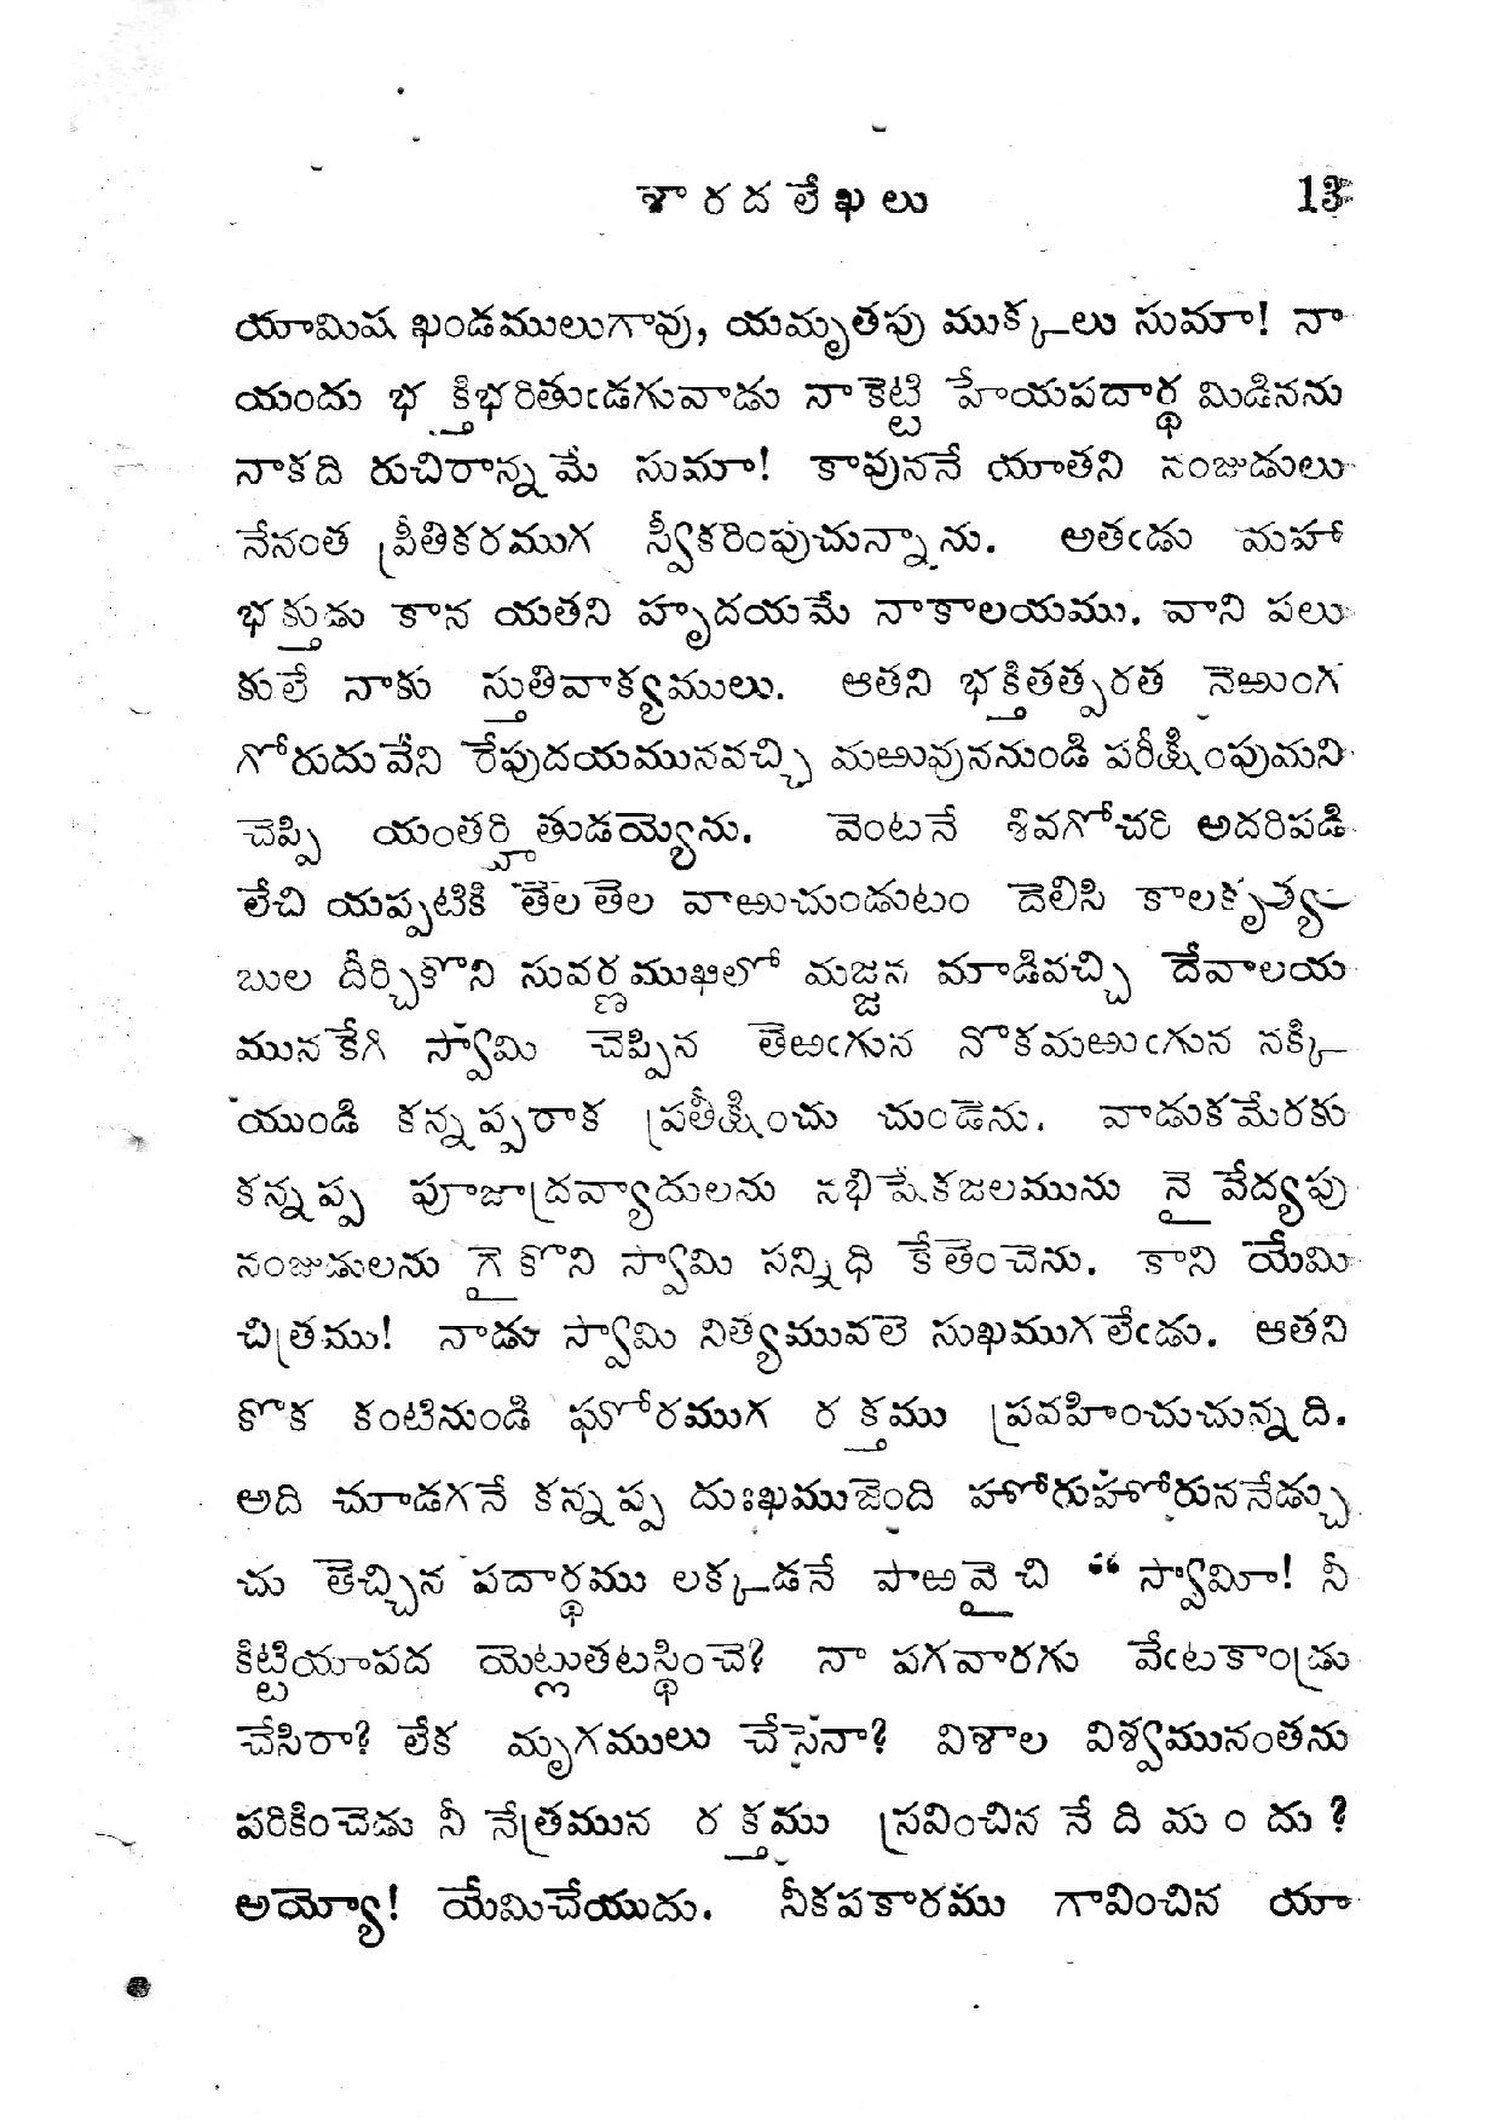యామిష ఖండములుగావు, యమృతపు ముక్కలు సుమా! నాయందు భక్తిభరితుఁడగువాడు నాకెట్టి హేయపదార్థ మిడినను నాకది రుచిరాన్నమే సుమా! కావుననే యాతని నంజుడులు నేనంత ప్రీతికరముగ స్వీకరింపుచున్నాను. అతఁడు మహాభక్తుడు కాన యతని హృదయమే నాకాలయము. వాని పలుకులే నాకు స్తుతివాక్యములు. అతని భక్తితత్పరత నెఱుంగ గోరుదువేని రేపుదయమునవచ్చి మఱువుననుండి పరీక్షింపుమని చెప్పి యంతర్హితుడయ్యెను. వెంటనే శివగోచరి అదరిపడి లేచి యప్పటికి తెలతెల వాఱుచుండుటం దెలిసి కాలకృత్యంబుల దీర్చికొని సువర్ణముఖిలో మజ్జన మాడివచ్చి దేవాలయమునకేగి స్వామి చెప్పిన తెఱుఁగున నొకమఱుఁగున నక్కియుండి కన్నప్పరాక ప్రతీక్షించు చుండెను. వాడుకమేరకు
కన్నప్ప పూజాద్రవ్యాదులను నభిషేకజలమును నైవేద్యపు నంజుడులను గైకొని స్వామి సన్నిధి కేతెంచెను. కాని యేమి చిత్రము! నాడు స్వామి నిత్యమువలె సుఖముగలేఁడు. అతని కొక కంటినుండి ఘోరముగ రక్తము ప్రవహించుచున్నది. అది చూడగనే కన్నప్ప దుఃఖముజెంది హోరుహోరుననేడ్చుచు తెచ్చిన పదార్థము లక్కడనే పాఱవైచి "స్వామీ! నీ కిట్టియాపద యెట్లుతటస్థించె? నా పగవారగు వేఁటకాండ్రు చేసిరా? లేక మృగములు చేసెనా? విశాల విశ్వమునంతను పరికించెడు నీ నేత్రమున రక్తము స్రవించిన నే ది మందు?
అయ్యో! యేమిచేయుదు. నీకపకారము గావించిన యా